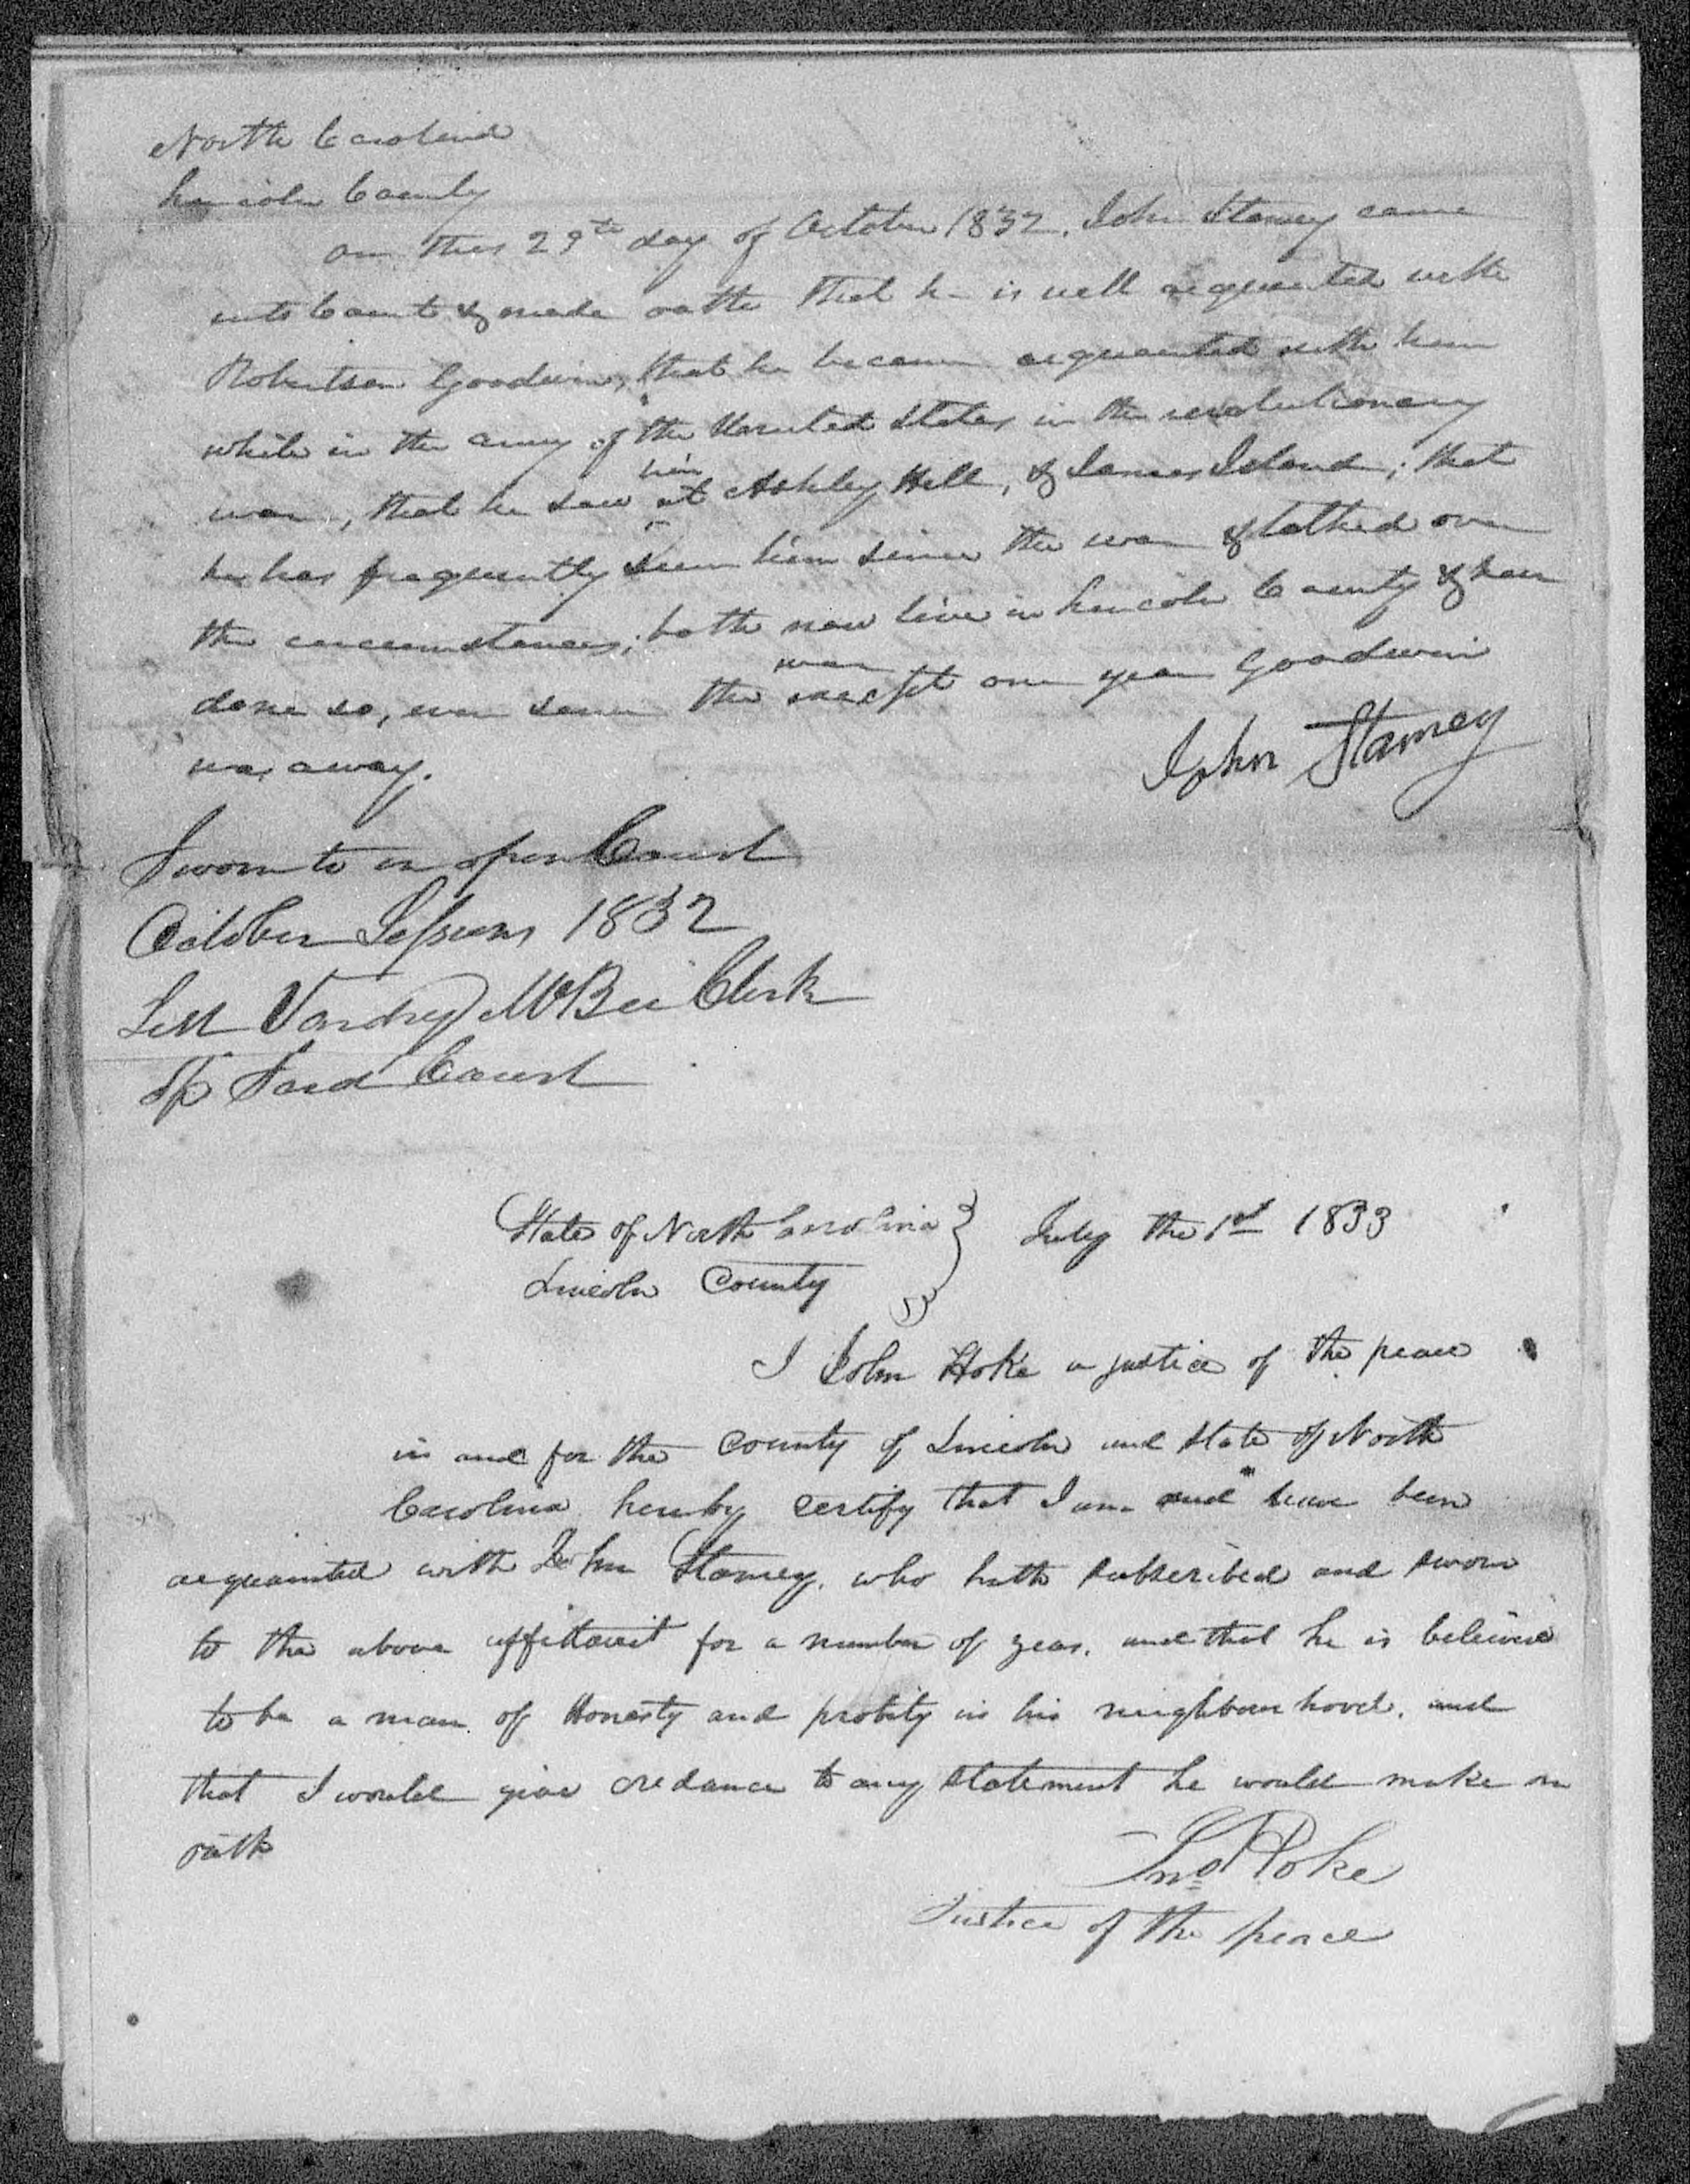North Carolina
Macon County
on this 29th day of October 1832, John Stancey came
into Court & made oath that he is well acquainted with
Robertson Goodwin, that he became acquainted with him
while in the army of the United States in the revolutionary
that he saw it Ashley Hill, & James Island; that
has frequently seen him since the war flathed on
the circumstances both now live in Lincoln County &
done so, ever see the except one year Goodwin
away.
John Stanney
Sworn to in open Court
October Sessions 1832
Let Vardy McBee Clerk
of said Court
State of North Carolina  July the 1st 1833
Lincoln County
I John Hoke a justice of the peace
in and for the County of Lincoln and State of North Carolina
hereby certify that I am and have been
acquainted with John Storey, who hath subscribed and sworn
to the above affidavit for a number of year, and that he is believe
to be a man of honesty and probity in his neighbourhood, and
that I would give ordance to any statement he would make on oath
Hoke
Justice of the peace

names: Vardry Mc Bee, Goodwin, Robertson Goodwin, Jno Hoke, John Stancey, John Stancey, John Hoke, John Stancey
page: 7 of 16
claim: survivor's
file: S. 6,894, Robison Goodwin, N.C.